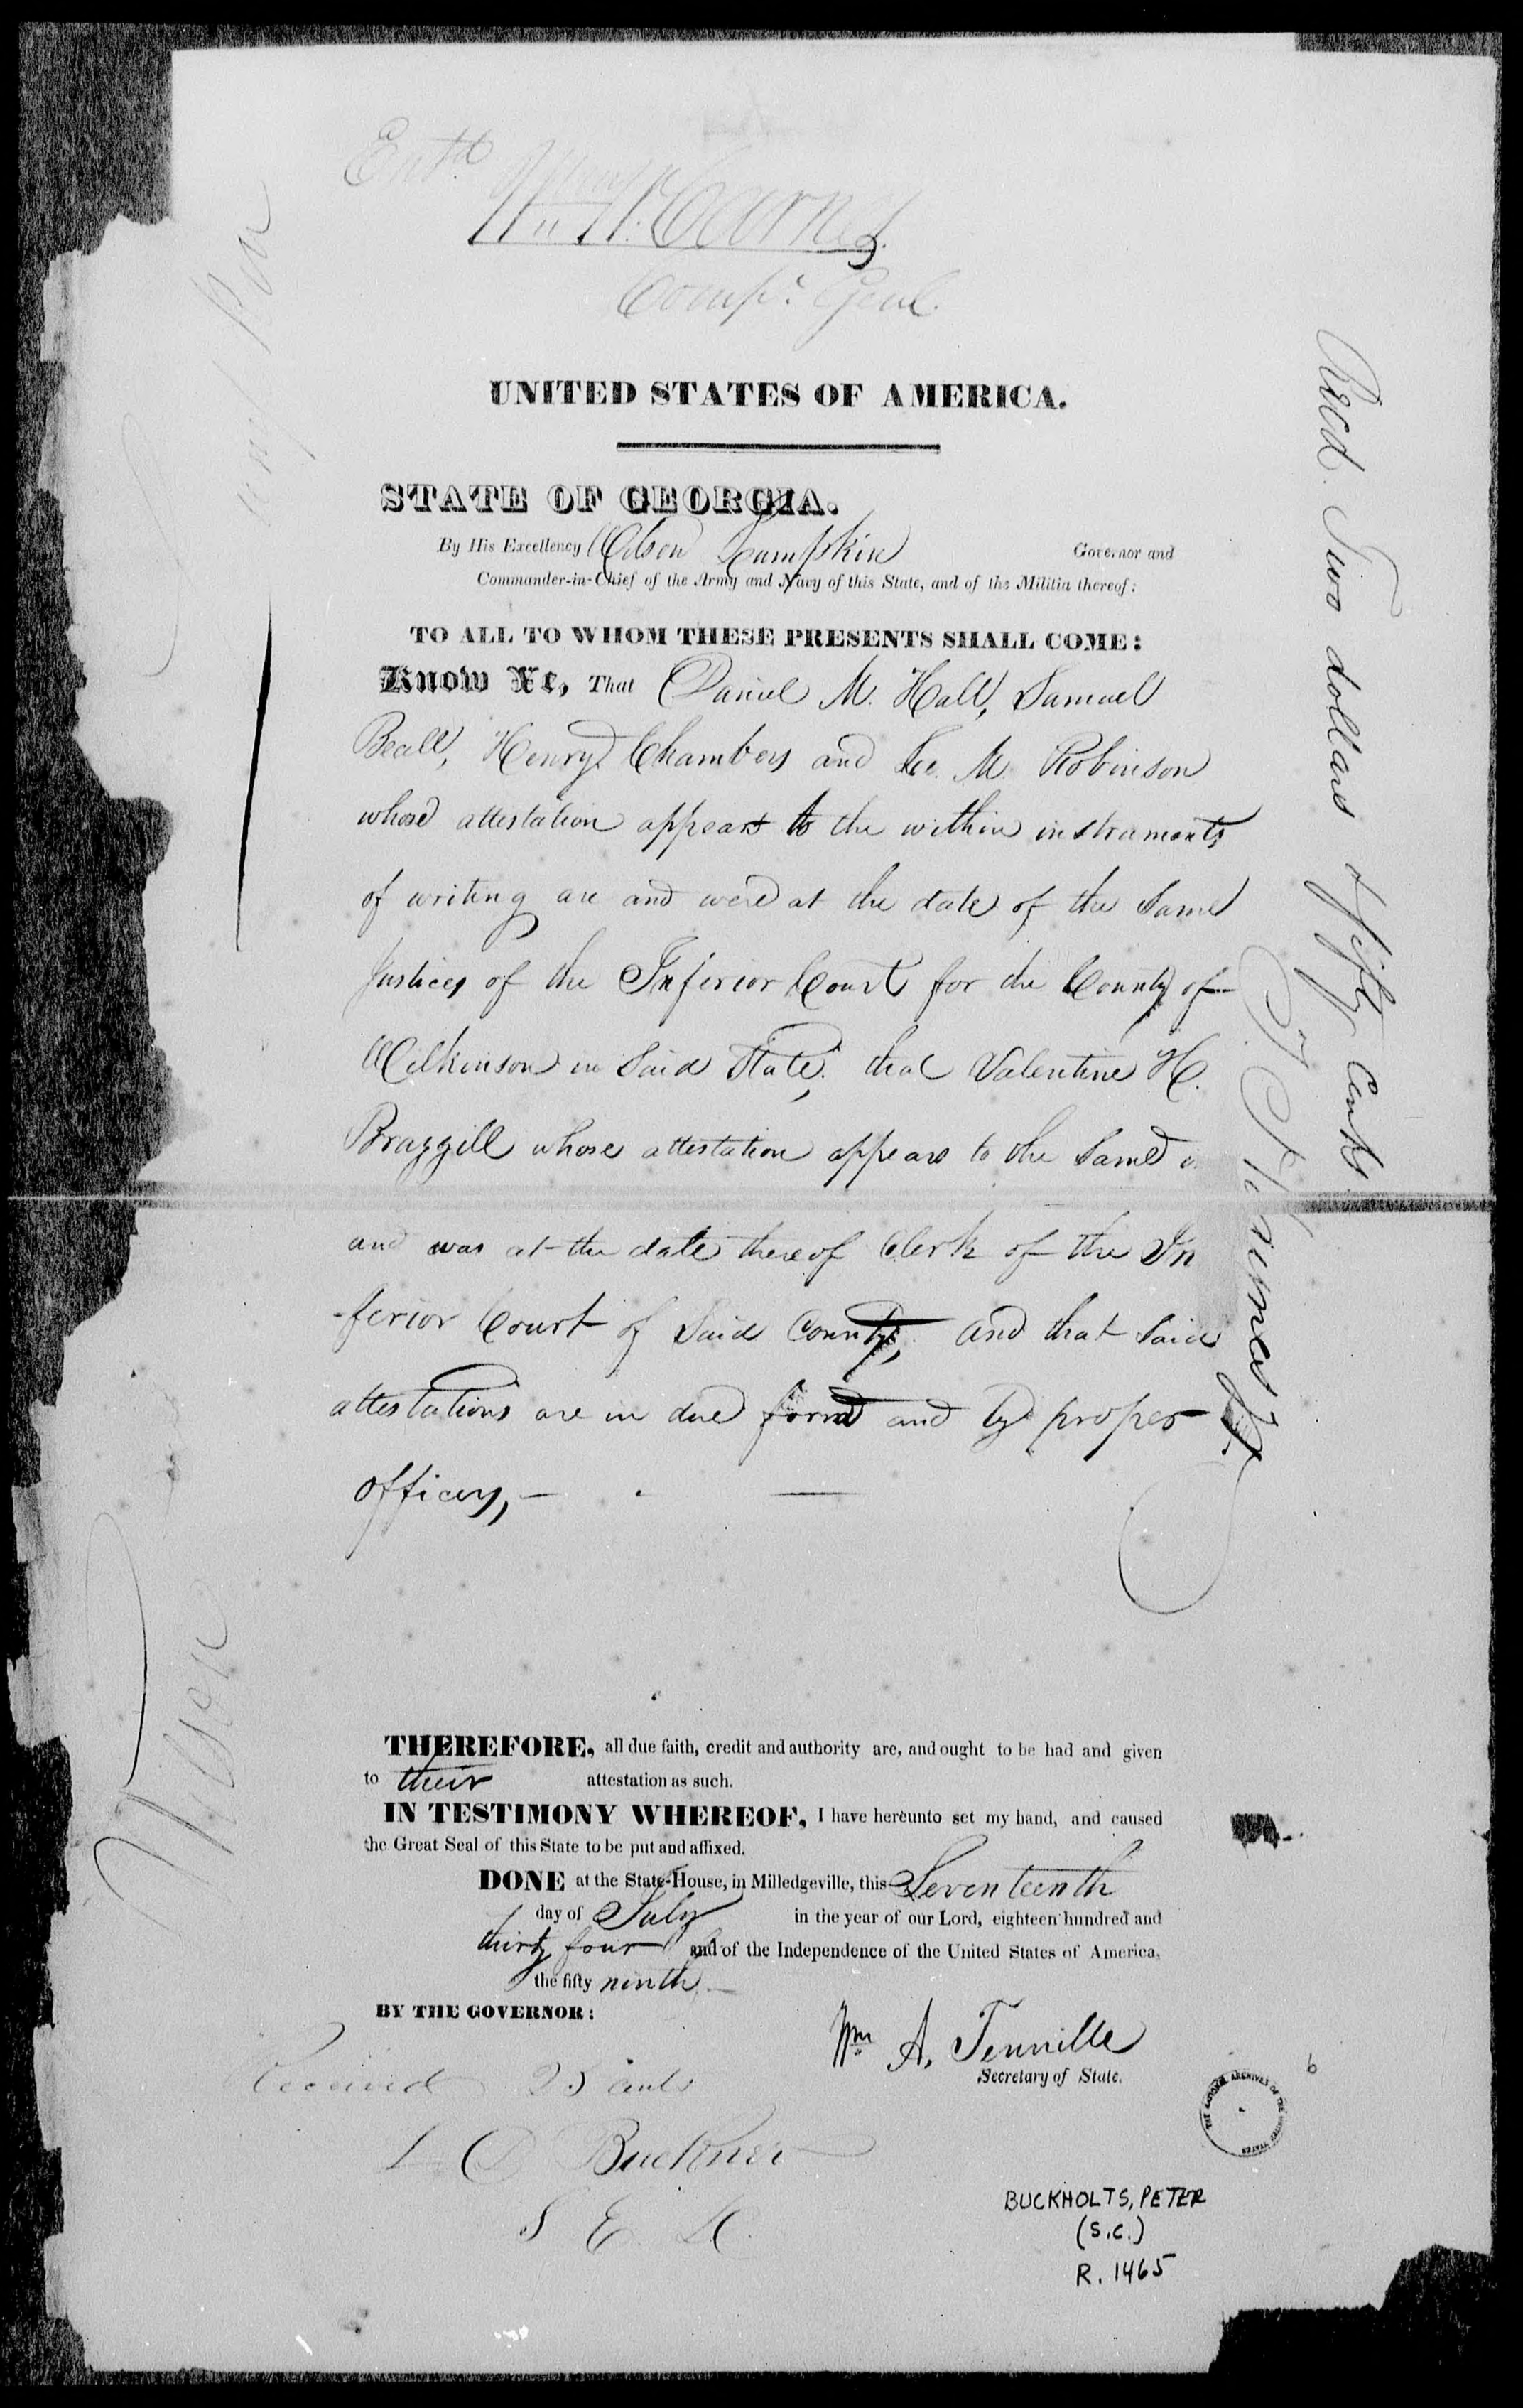Entd. J. Henry Carnes. Compl. Genl.

UNITED STATES OF AMERICA.
STATE OF GEORGIA.
By His Excellency Wilson Lumpkin Governor and Commander-in-Chief of the Army and Navy of this State, and of this Militia thereof:
TO ALL TO WHOM THESE PRESENTS SHALL COME:
Know &c, That Daniel M. Hall, Samuel Beall, Henry Chambers and L. M. Robinson whose attestation appears to the within instruments of writing are and were at the date of the same Justices of the Inferior Court for the County of Wilkinson in said State, that Valentine H. Brazzill whose attestation appears to the same and was at the date thereof Clerk of the Inferior Court of said County, and that said attestations are in due form and by proper officers.

THEREFORE, all due faith, credit and authority are, and ought to be had and given to their attestation as such.
IN TESTIMONY WHEREOF, I have hereunto set my hand, and caused the Great Seal of this State to be put and affixed.
DONE at the State House, in Milledgeville, this Seventeenth day of July in the year of our Lord, eighteen hundred and thirty four and of the Independence of the United States of America, the fifty ninth.
BY THE GOVERNOR:
Wm A. Tennille
Secretary of State.

Received 25 cents
L B Buckner
S E D

[stamp] THE NATIONAL ARCHIVES OF THE UNITED STATES

BUCKHOLTS, PETER
(S.C.)
R. 1465

[left side writing]
Wilson Lumpkin

[right side writing]
Recd. Two dollars & fifty cents
T. Haynes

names: Henry Chambers, L M Robinson, B Buckner, Wm A Tennille, Daniel M Hall, Samuel Beall, Valentine H Brazzill, Wilson Lumpkin, Peter Buckholts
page: 13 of 23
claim: rejected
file: R. 1465, Peter Buckholts, S.C.